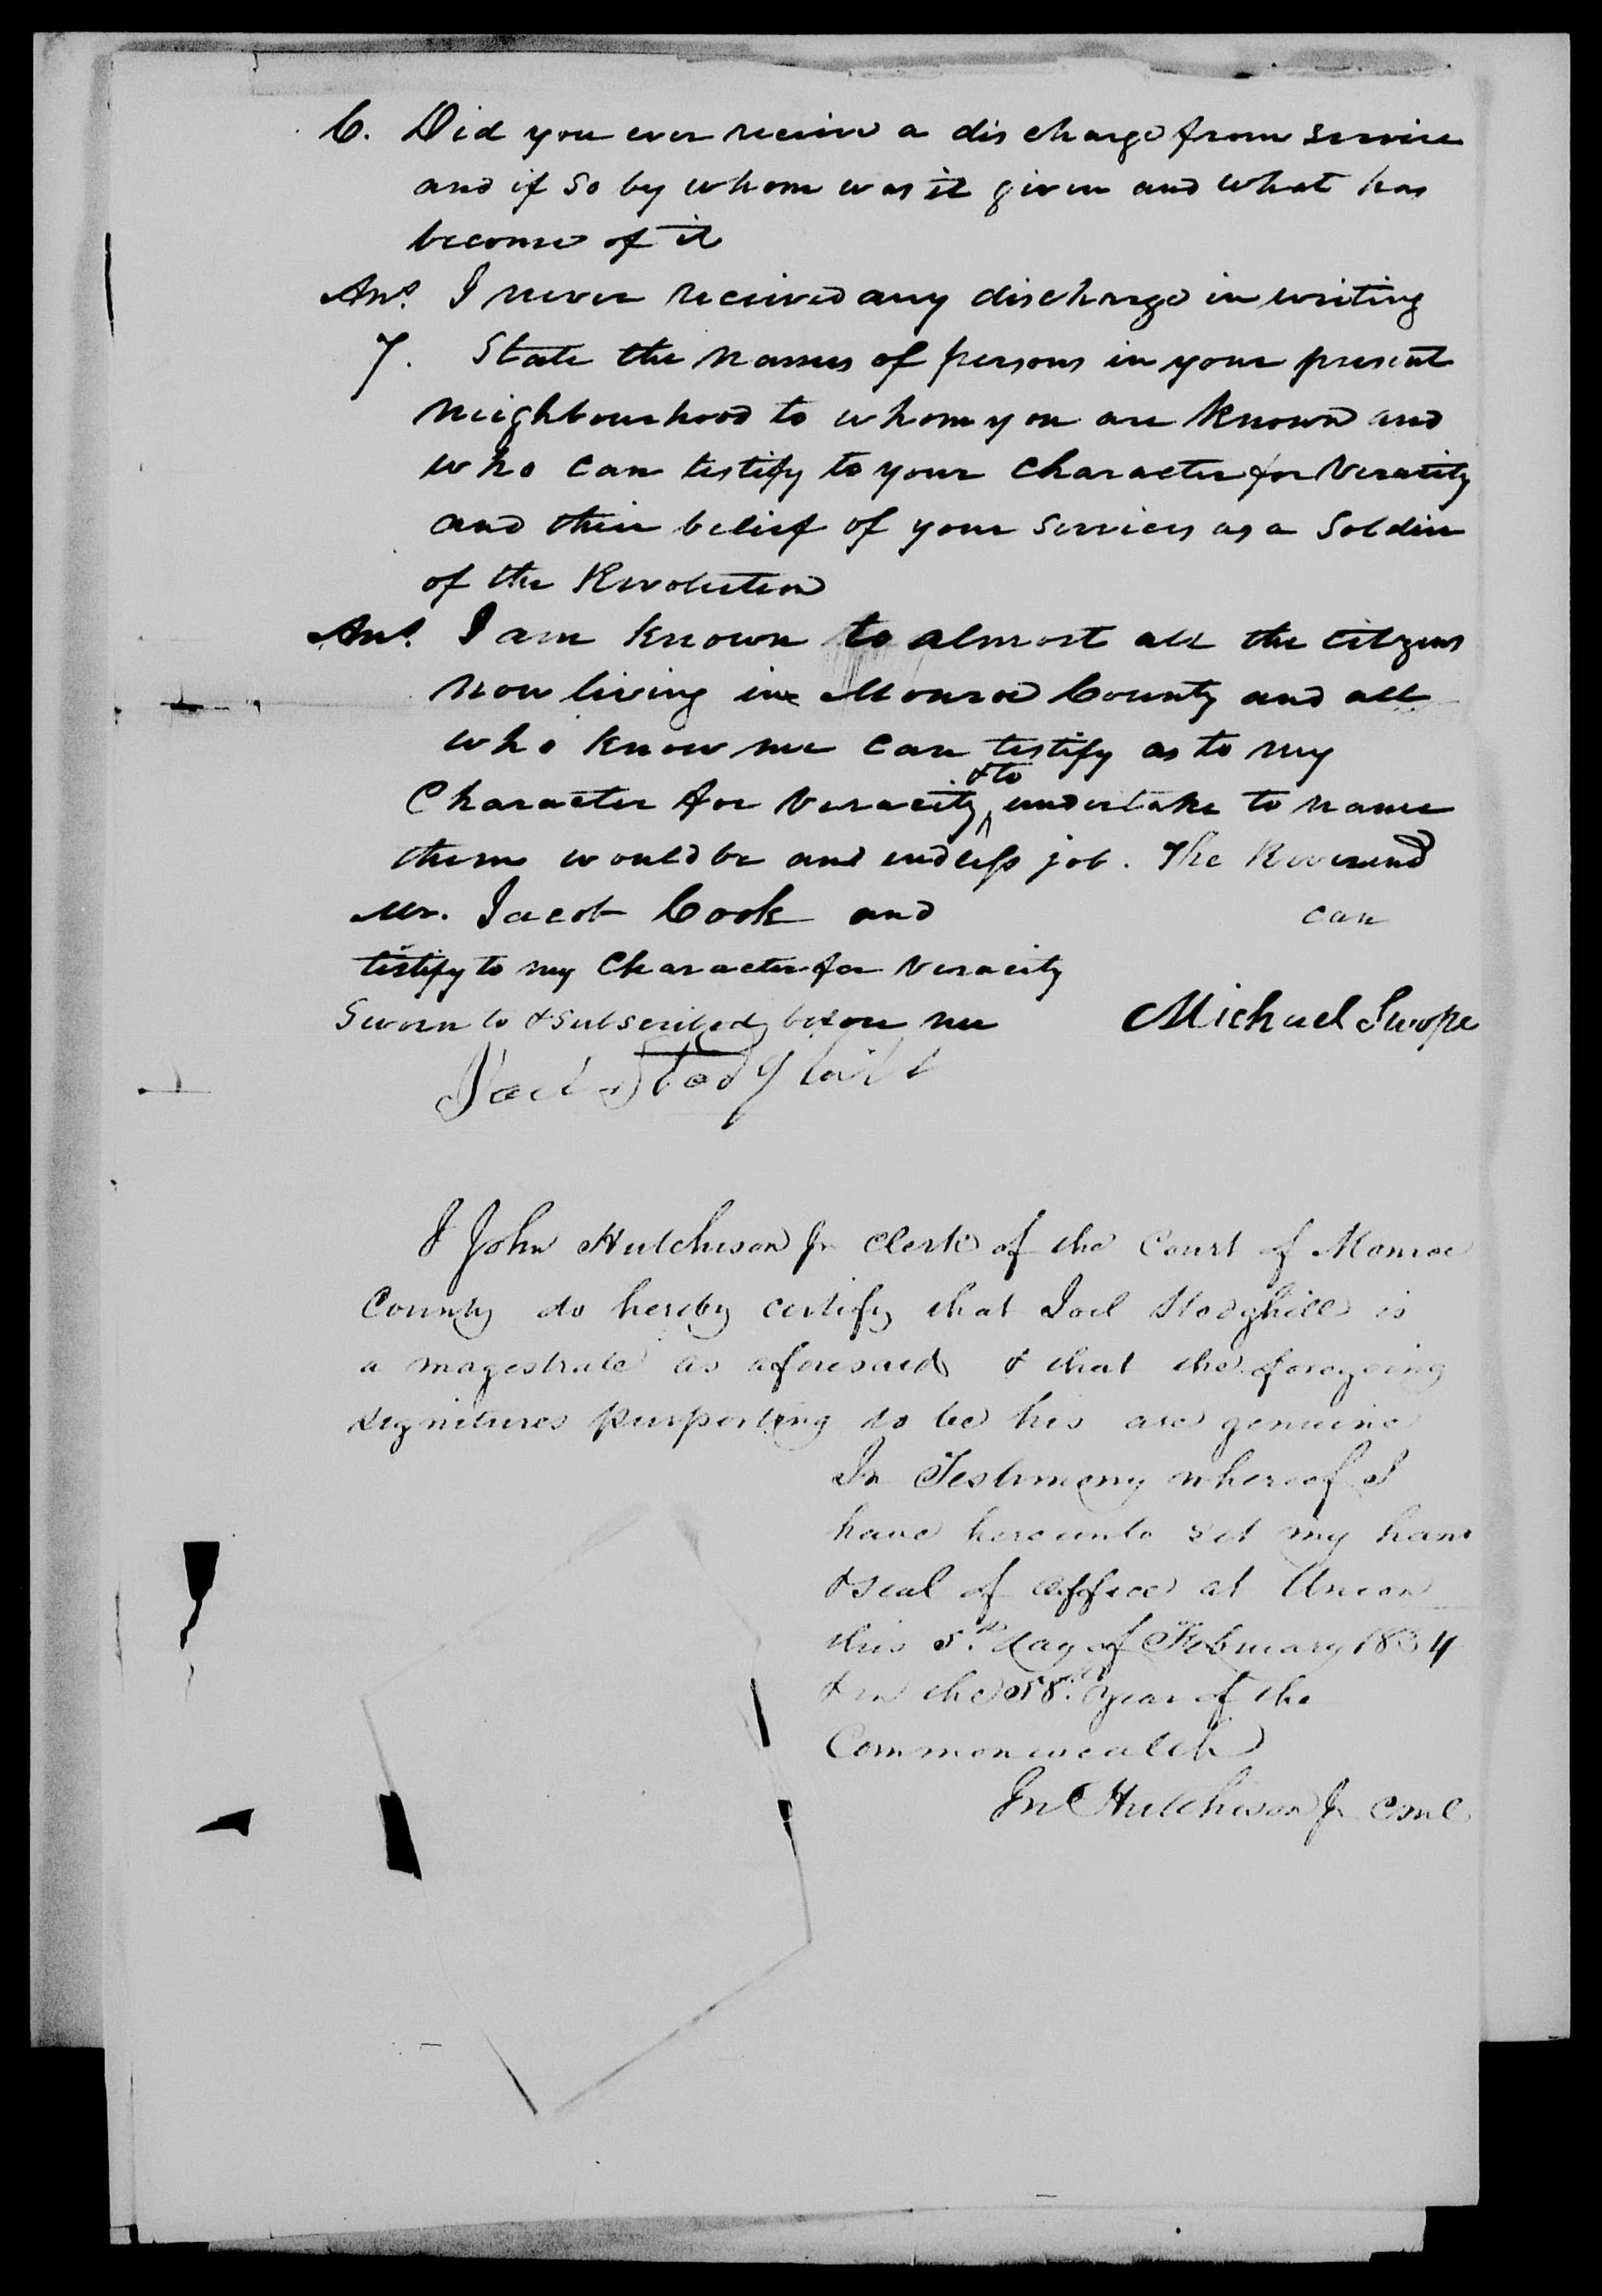6. Did you ever receive a discharge from service and if so by whom was it given and what has become of it

Ans: I never received any discharge in writing

7. State the names of persons in your present
neighbourhood to whom you are known and
who can testify to your character for veracity
and their belief of your services as a soldier
of the Revolution

Ans: I am known to almost all the citizens
now living in Monroe County and all
who know me can testify as to my
Character for veracity undertake to name
them would be an endless job. The Reverend
Mr. Jacob Cook and [blank space]
can testify to my character for veracity
Sworn to & subscribed before me

Michael Swope [signature]
Joel Stodghill [signature]

I John Hutchison Jr Clerk of the Court of Monroe County do hereby certify that Joel Stodghill is a magistrate as aforesaid & that the foregoing signatures purporting to be his are genuine
In Testimony whereof I have hereunto set my hand & seal of Office at Union
this 5th day of February 1834
in the 57th year of the
Commonwealth
Jno Hutchison Jr. cont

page: 9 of 16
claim: rejected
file: R 10366, for Michael Swope, Virginia